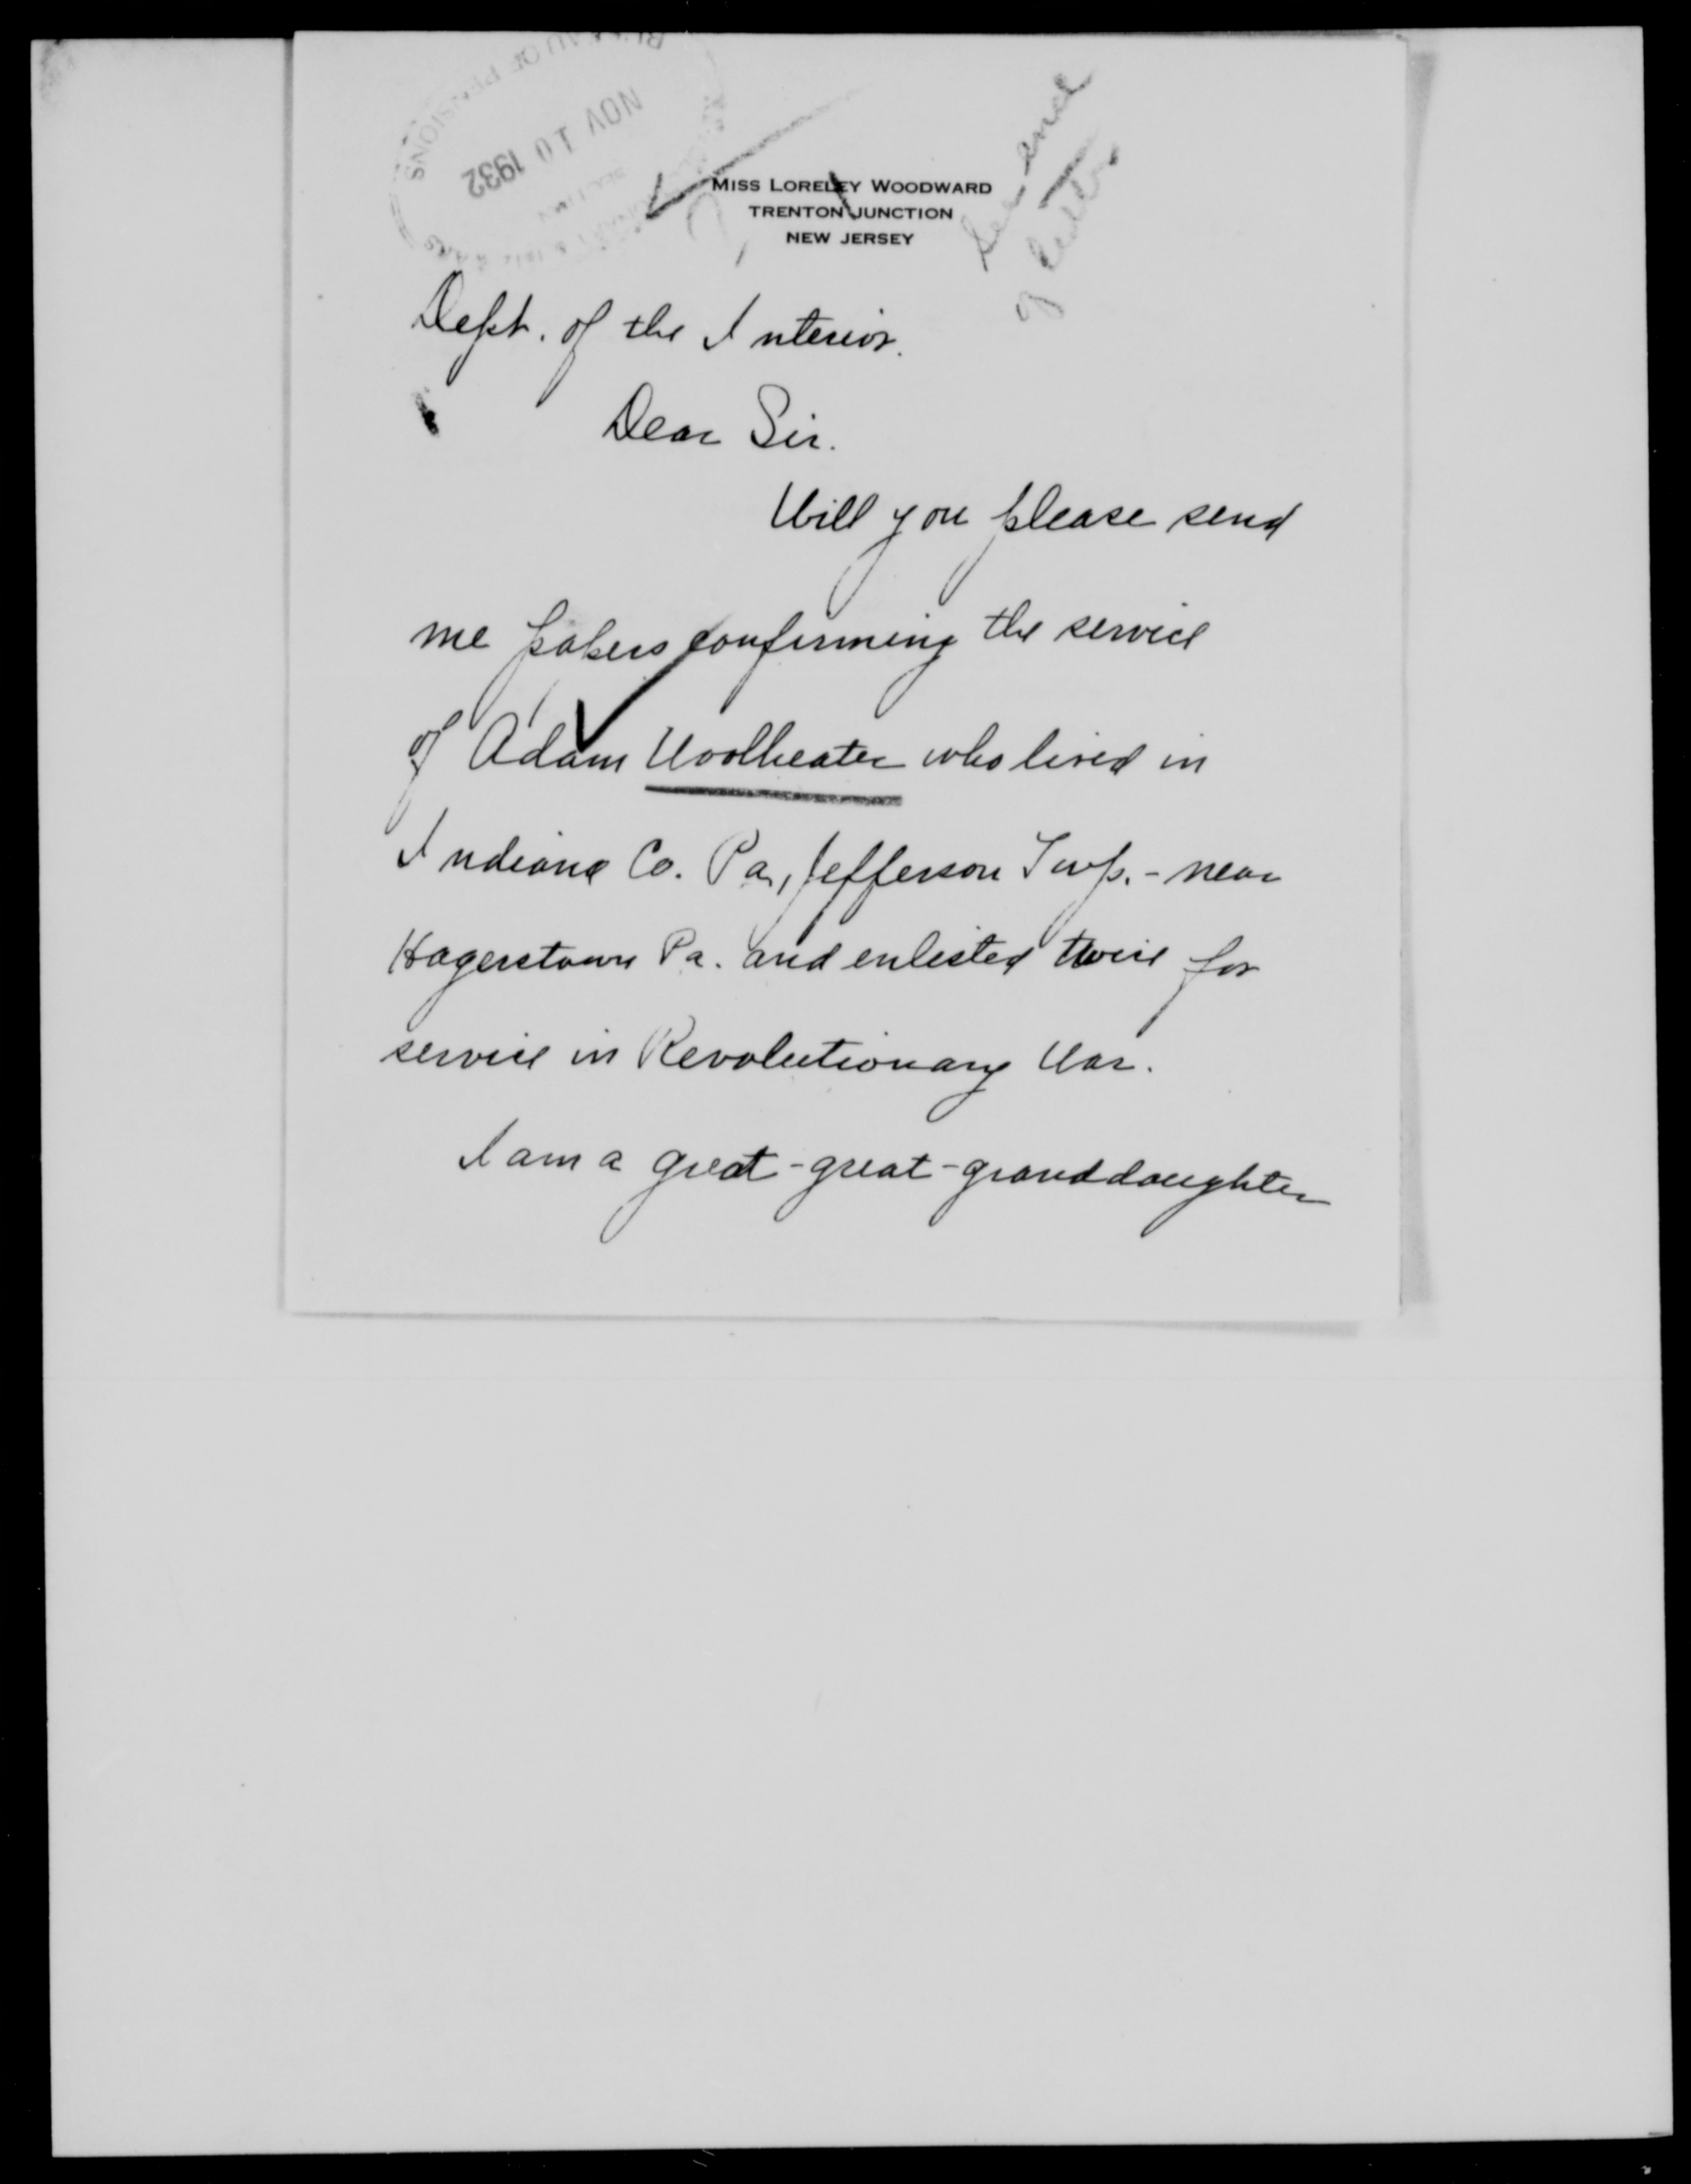See end of letter

[oval stamp]
DEPT OF THE INTERIOR
SECTION
NOV 10 1932
BUREAU OF PENSIONS

MISS LORELY WOODWARD
TRENTON JUNCTION
NEW JERSEY
Dept of the Interior
Dear Sir.
Will you please send
me papers confirming the service
of Adam Woolheater who lived in
Indiana Co. Pa, Jefferson Twp. near
Hagerstown Pa. and enlisted twice for
service in Revolutionary War.
I am a great-great-granddaughter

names: Loreley Woodward, Adam Woolheater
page: 11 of 18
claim: rejected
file: R. 11854, Adam Woolheater, Md.